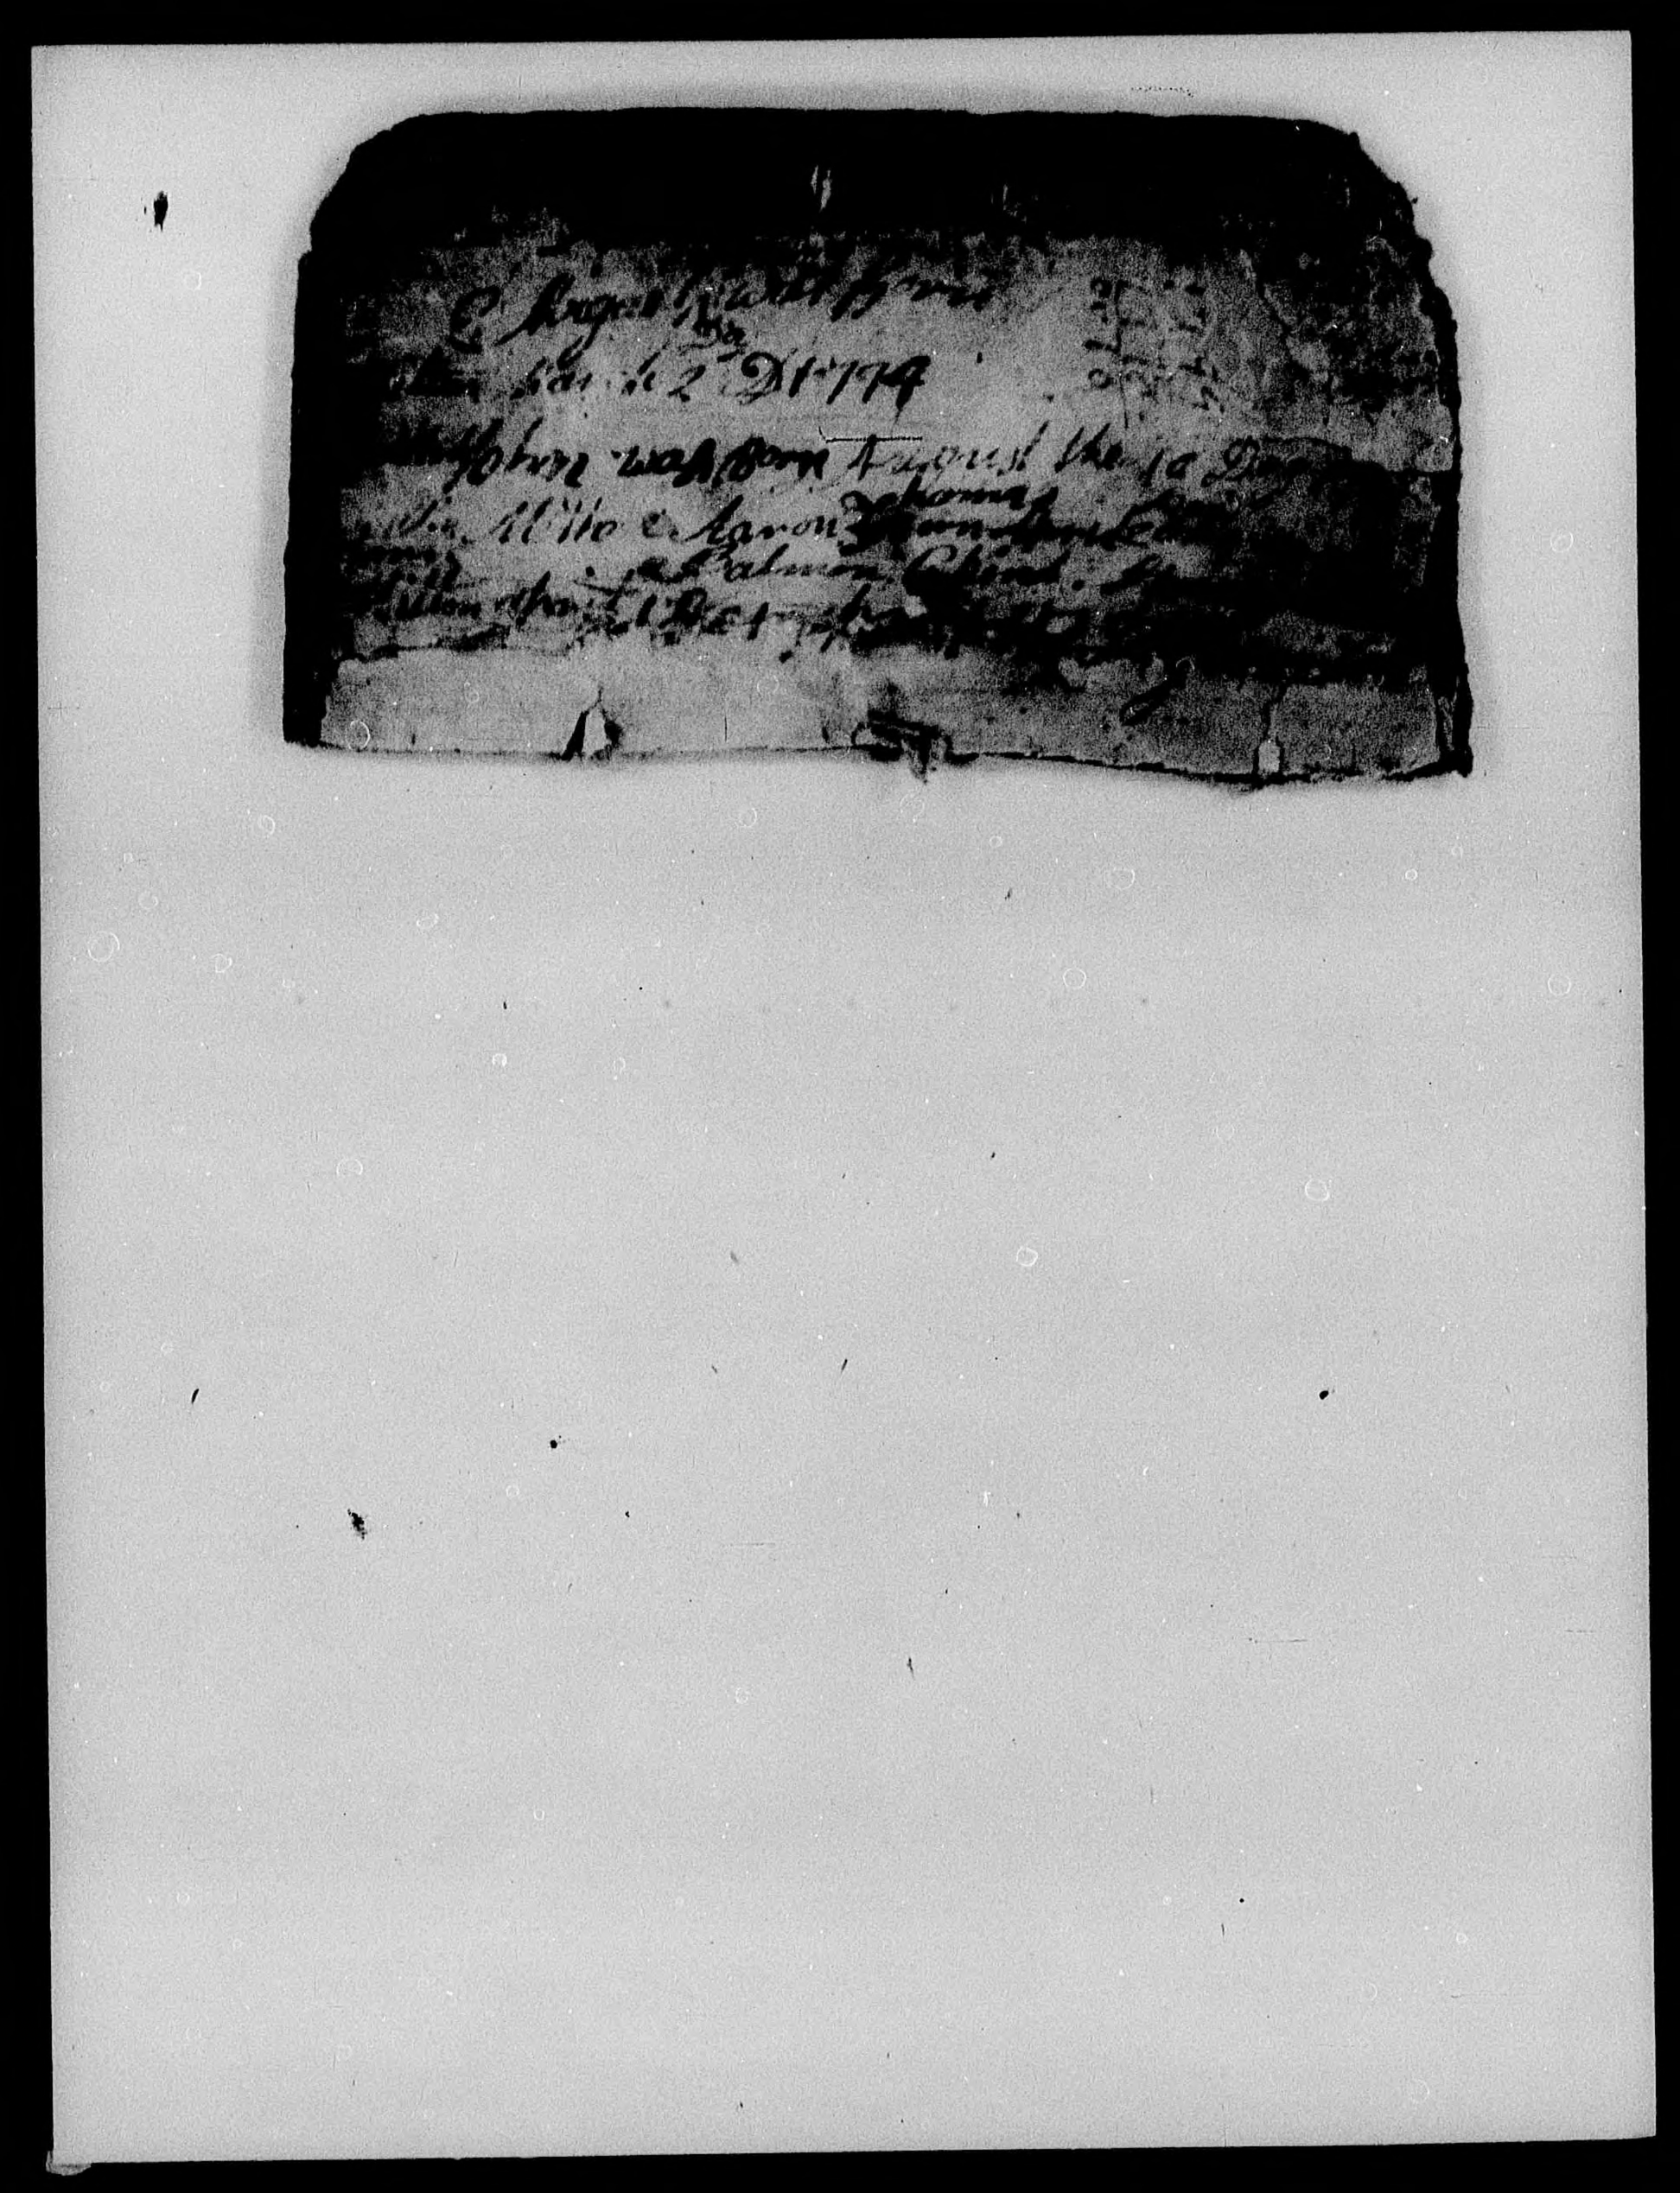[TEXT LARGELY ILLEGIBLE ON THIS DOCUMENT]

born 2 D 1774
John was born August the 16 D...
son [illegible] Aaron ...
Balmer Church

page: 10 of 33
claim: widow's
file: W. 4592, for John Strong, New York